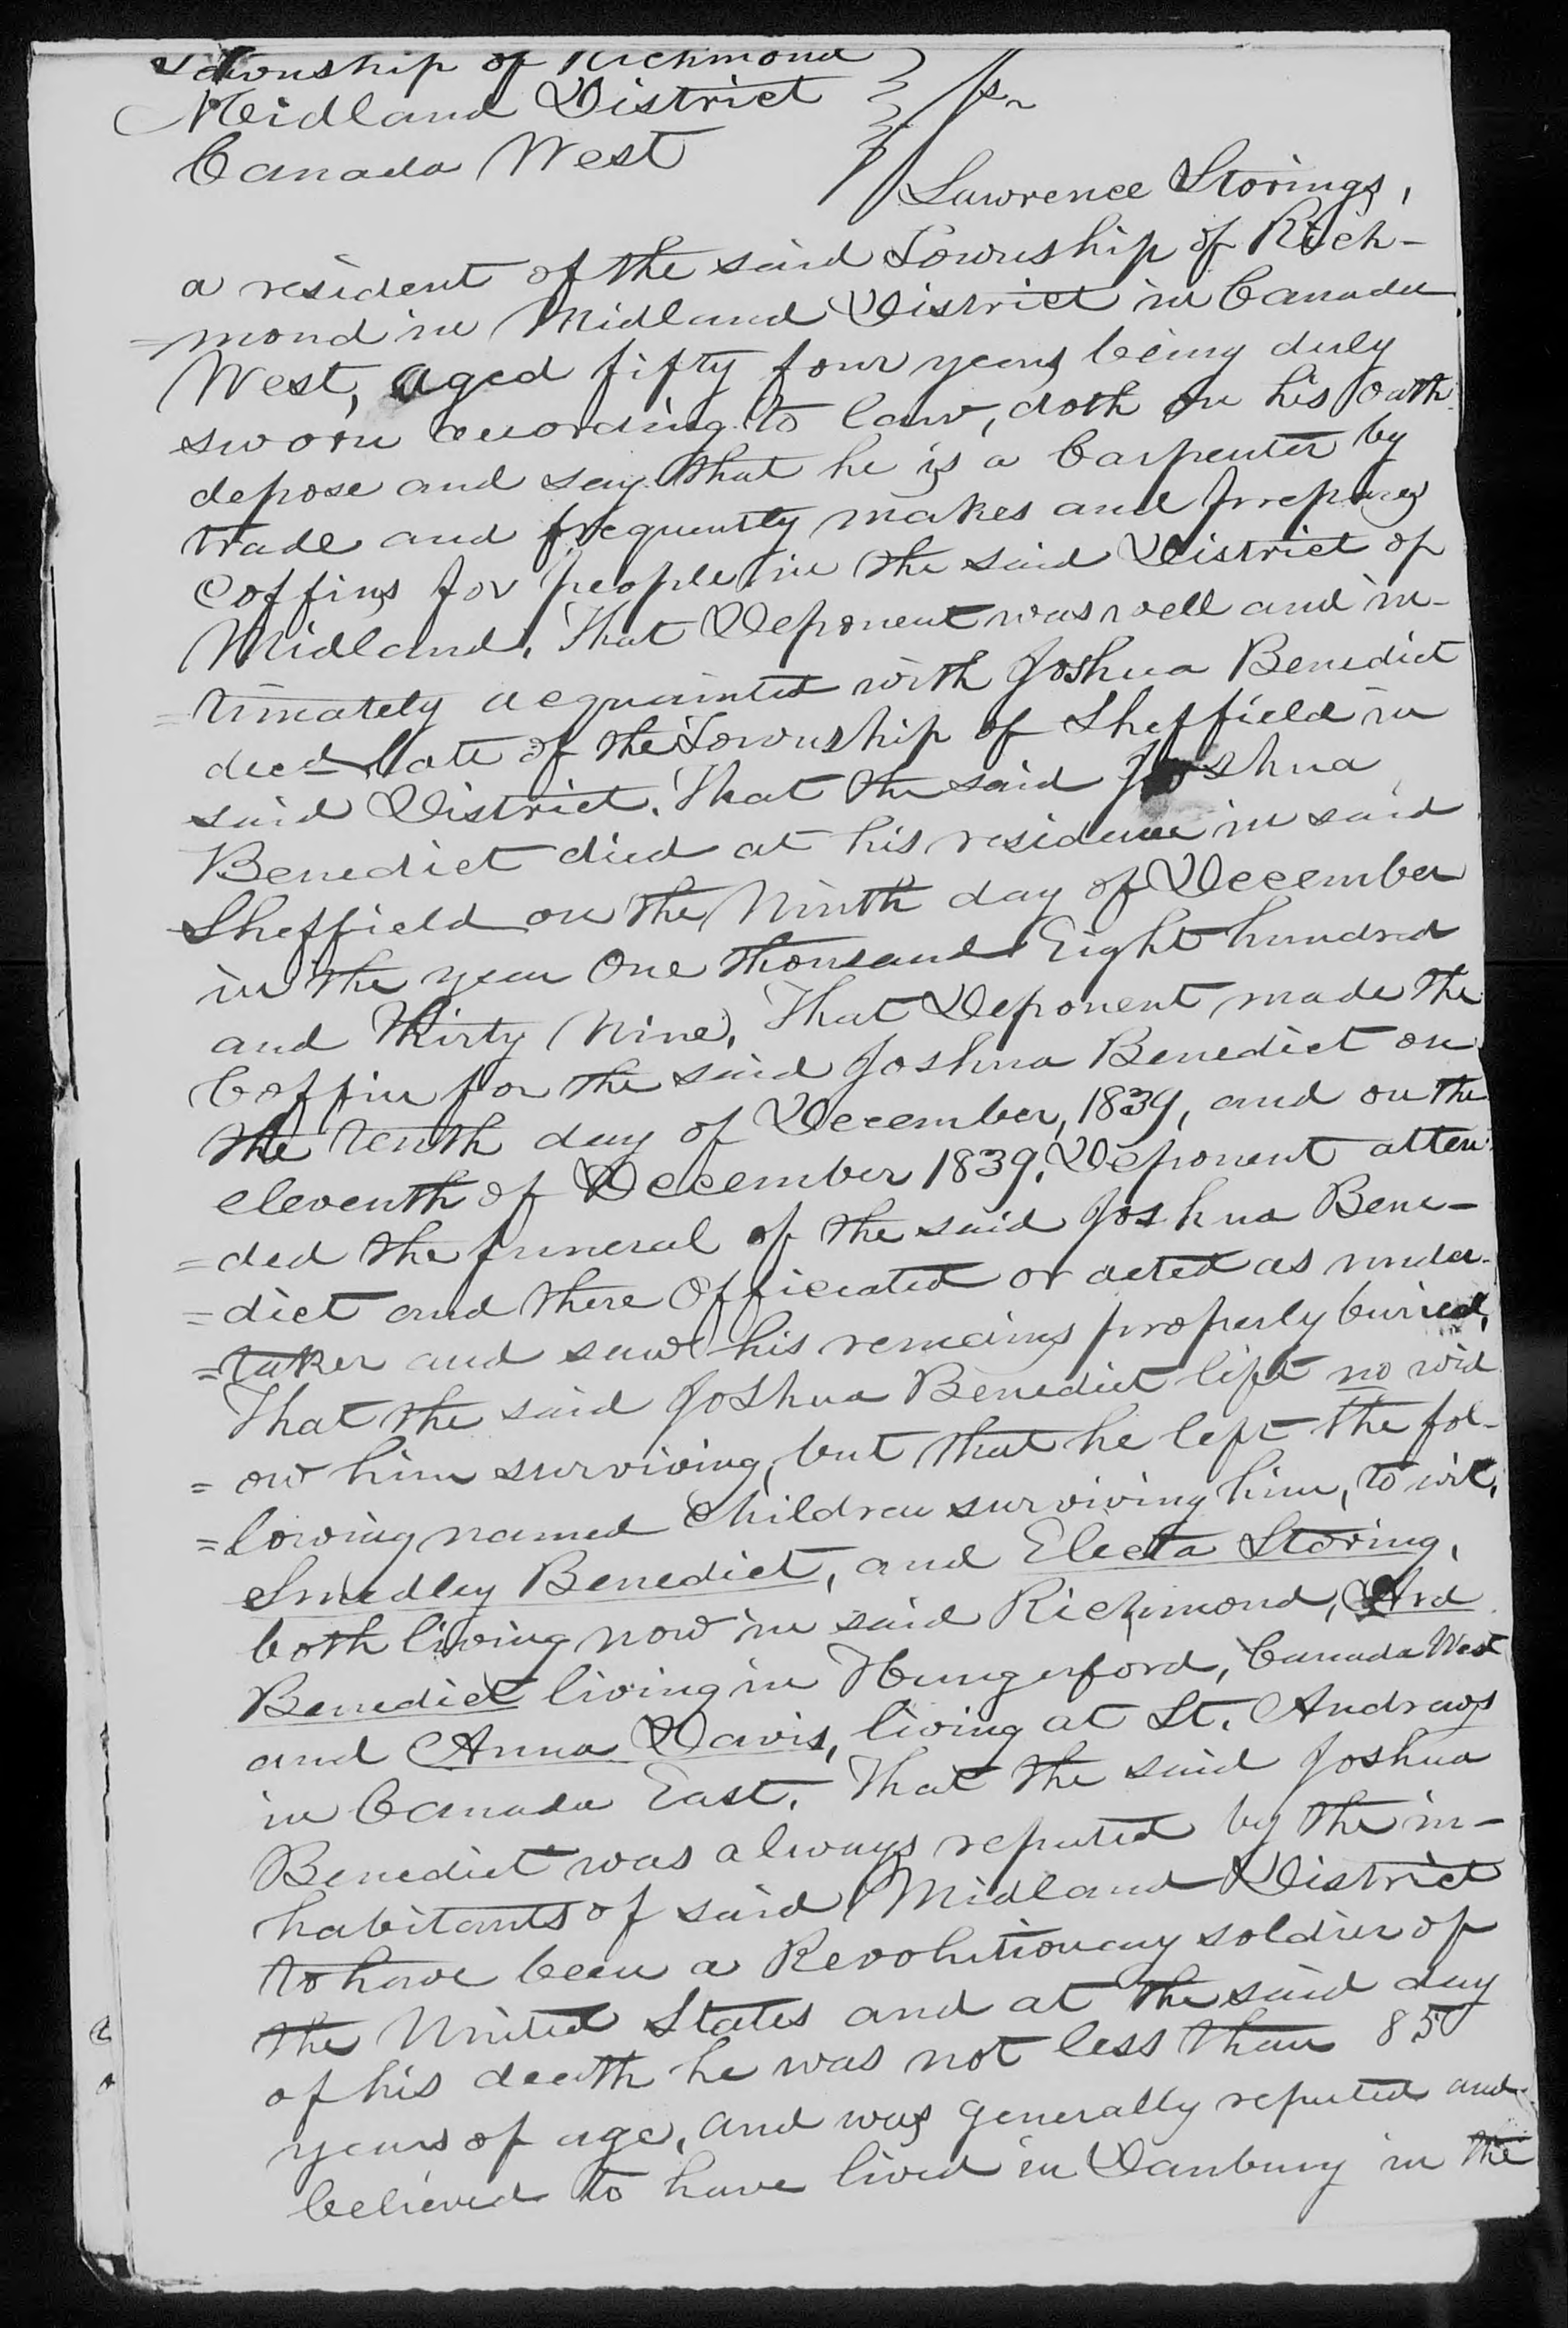Township of Richmond
Midland District
Canada West } Ss~

Lawrence Storings, a resident of the said Township of Richmond in Midland District in Canada West, aged fifty four years being duly sworn according to law, doth on his oath depose and say that he is a Carpenter by trade and frequently makes and prepares Coffins for people in the said District of Midland. That Deponent was well and intimately acquainted with Joshua Benedict decd late of the Township of Sheffield in said District. That the said Joshua Benedict died at his residence in said Sheffield on the Ninth day of December in the year One thousand Eight hundred and thirty nine. That Deponent made the Coffin for the said Joshua Benedict on the Ninth day of December, 1839, and on the eleventh of December 1839. Deponent attended the funeral of the said Joshua Benedict and there Officiated or acted as undertaker and saw his remains properly buried. That the said Joshua Benedict left no widow him surviving, but that he left the following named children surviving him, to wit, Smedley Benedict, and Electa Storing, both living now in said Richmond, Ard Benedict living in Hungerford, Canada West and Anna Davis, living at St. Andrews in Canada East. That the said Joshua Benedict was always reputed by the inhabitants of said Midland District to have been a Revolutionary soldier of the United States and at the said day of his death he was not less than 85 years of age, and was generally reputed and believed to have lived in Danbury in the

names: Joshua Benedict, Joshua Benedict, Joshua Benedict, Smedley Benedict, Anna Davis, Joshua Benedict, Lawrence Storing, Ard Benedict, Electa Storing, Joshua Benedict, Joshua Benedict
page: 43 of 106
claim: survivor's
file: S 23,116., Joshua Benedict, Conn.